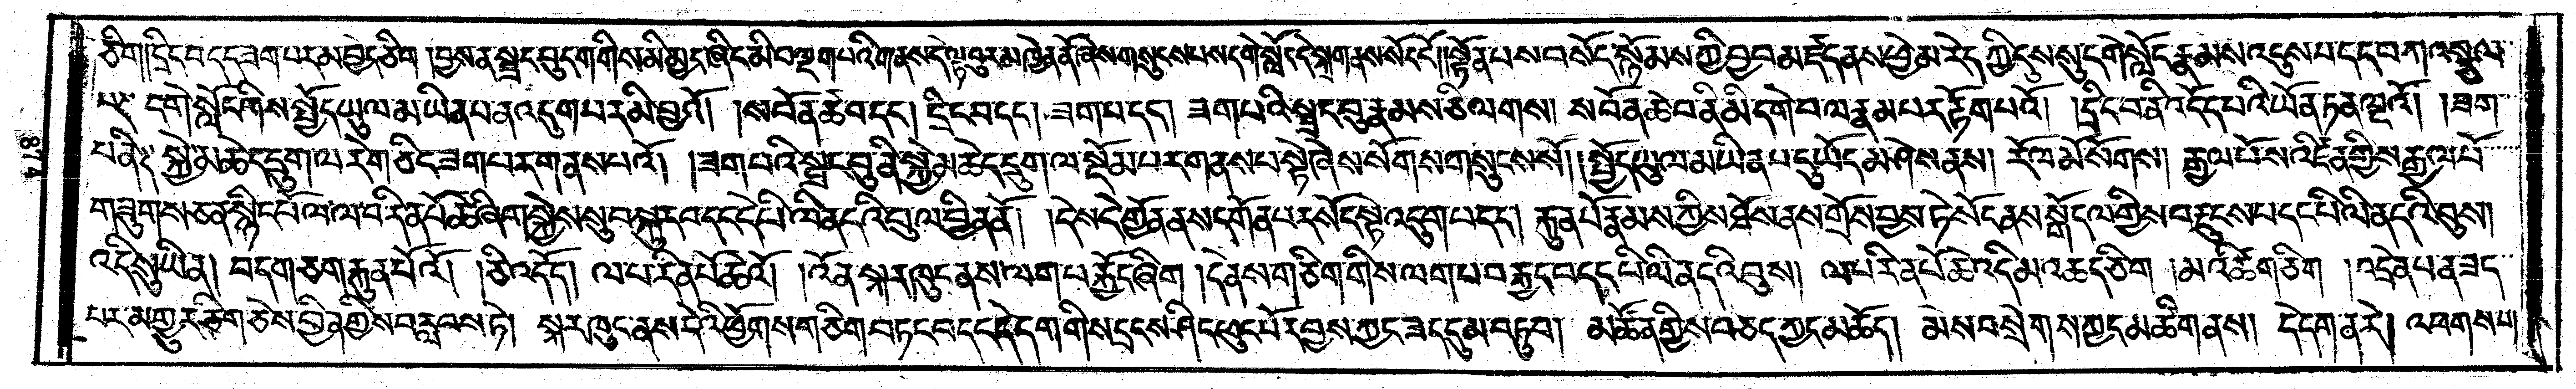ཅིག །དྲིད་བ་དད་ཟག་པར་མ་བྱེད་ཅིག །བྱས་ན་སྦྲང་བུ་དག་གིས་མི་མྱང་ཞིང་མི་བལྡག་པའི་གནས་དེ་ལྟ་བུར་མཁྱེན་ནོ་ཞེས་གསུངས་པས་དགེ་སློང་དེ་སྐྲག་ནས་སོང་ངོ། །སྟོན་པས་བསོད་སྙོམས་ཀྱི་བྱབ་མཛད་ནས་ཕྱེ་མ་རེད་ཀྱི་དུས་སུ་དགེ་སློང་རྣམས་འདུས་པ་དད་བཀའ་སྩལ་
པ༑ དགེ་སློང་གིས་སྤྱོད་ཡུལ་མ་ཡིན་པ་ན་འདུག་པར་མི་བྱའོ། །ས་བོན་ཚ་བ་དང་། དྲིང་བ་དང་། ཟག་པ་དང་། ཟག་པའི་སྦྲང་བུ་རྣམས་ཅི་ལགས། ས་བོན་ཆེ་བ་ནི་མི་དགེ་བ་ལ་རྣམ་པར་རྟོག་པའོ། །དྲིང་བ་ནི་འདོད་པའི་ཡོན་ཏན་ལྔའོ། །ཟག་
པ་ནི༑ སྐྱེ་མཆེད་དྲུག་ལ་རེག་ཅིང་ཟག་པར་གནས་པའོ། །ཟག་པའི་སྦྲང་བུ་ནི་སྐྱེ་མཆེད་དྲུག་ལ་སྡོམ་པར་གནས་པ་སྟེ་ཞེས་སོགས་གསུངས་སོ། །སྤྱོད་ཡུལ་མ་ཡིན་པ་དུ་ཡོད་མ་ཤེས་ནས། རོལ་མོ་སོགས། རྒྱལ་པོས་འཛིན་གྱིས་རྒྱལ་པོ་
གཟུགས་ཅན་སྙིང་པོལ་ལ་བ་རིན་པོ་ཆེ་ཞིག་སྐྱེས་སུ་བསྐུར་བ་དང་དེ་པི་ལིན་དའི་བུ་ལ་བྱིན་ནོ། །དེས་དེ་གྱོན་ནས་དགོན་པར་སོང་སྟེ་འདུག་པ་དང་། རྐུན་པོ་རྣམས་ཀྱིས་ཐོས་ནས་གྲོས་བྱས་ཏེ་སོང་ནས་སྒོད་ལ་གྱིས་བརྡུངས་པ་དང་པི་ལིན་དའི་བུས།
འདི་སུ་ཡིན། བདག་ཅག་རྐུན་པོའོ། །ཅི་འདོད། ལ་པ་རིན་པོ་ཆེའོ། །འོན་སྐར་ཁུང་ནས་ལག་པ་རྐྱོད་ཞིག །དེ་ནས་གཅིག་གིས་ལག་པ་བརྐྱང་བ་དང་པི་ལིན་དའི་བུས། ལ་པ་རིན་པོ་ཆེ་འདི་མ་འཆད་ཅིག །མ་འཚིག་ཅིག །འདྲེན་པ་ན་ཟད་
པར་མགྱུར་ཅིག་ཅེས་བྱིན་གྱིས་བརླབས་ཏེ། སྐར་ཁུང་ནས་དེའི་ཕྱོགས་གཅིག་བཏང་བ་དང་དེ་དག་གིས་དྲངས་ཤིང་ཕུང་པོར་བྱས་ཀྱང་ཟད་དུམ་བཏུབ། མཚོན་གྱིས་བཅད་ཀྱང་མཆོད། མེས་བསྲེགས་ཀྱང་མཚིག་ནས། དེ་དག་ན་རེ། འཕགས་པ།